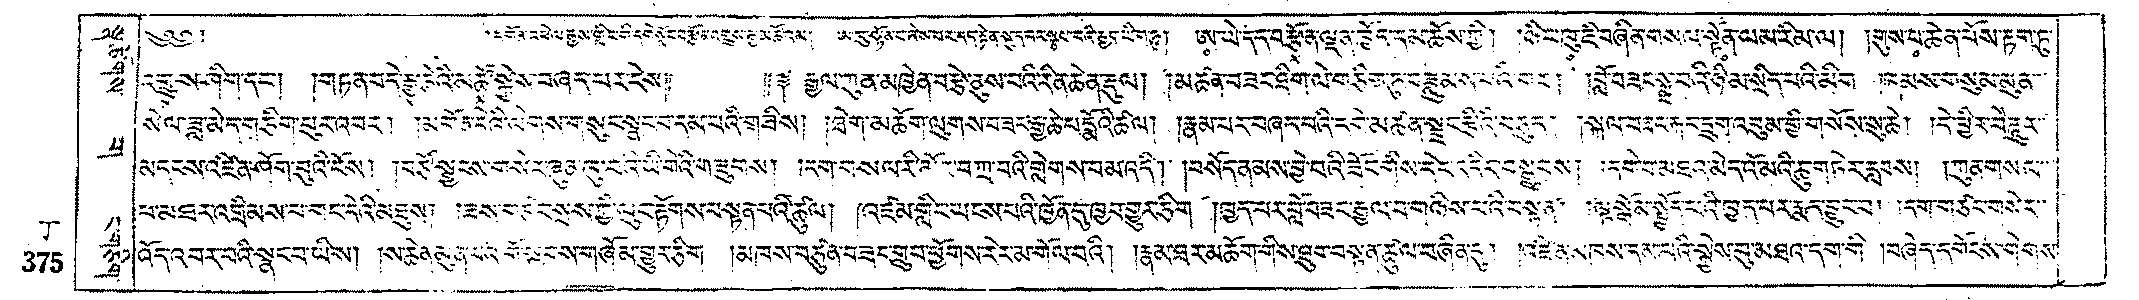༄༅། ། དགོན་འཕེལ་རྒྱས་གླིང་གི་དགེ་སློང་བརྩོན་འགྲུས་རྒྱ་མཚོའམ། ཨ་ཁུ་སྟོན་པ་ཞེས་པར་དད་རྟེན་སྐུ་དཔར་སྩལ་བའི་རྒྱབ་ཡིག་ཏུ།  ཨ྾་ཡེ་དད་བརྩོན྾་ལྡན་ཁྱོད་དམ་ཆོས་ཀྱི། །ཉིང་ཁུཾ་ཇི་བཞིན་གསལ་སྟོན྾་ལམ་རིམ་ལ། །གུས་པ྾་ཆེན་པོས་རྟག་ཏུ་
འགྲུས྾་ཤིག་དང་། །གཏན་བདེ་རྒྱ྾་ཆེའི་མཚོ྾་སྐྱེས་བཞད་པར་ངེས།། །།འ་རྒྱལ་ཀུན་མཁྱེན་བརྩེ་ནུས་པའི་རིན་ཆེན་རྡུལ། །མཚན་བཟང་ཐིག་ལེ་གཅིག་ཏུ་བཟླུམས་པའི་གར། །བློ་བཟང་སྨྲ་བའི་ཉི་མ་སྲིད་པའི་མིག །ཁམས་གསུམ་མུན་་་
སེལ་ཟླ་མེད་གཅིག་པུར་འབར། །མགོན་དེའི་ལེགས་གསུང་སྣང་བ་དམ་པའི་གཟིས། །ཐེག་མཆོག་ལུགས་བཟང་རྒྱ་ཆེ་པདམོའི་ཚལ། །རྣམ་པར་བཞད་པའི་དགེ་མཚན་སྦྲང་རྩིའི་བཅུད། །སྐལ་བཟང་རྐང་དྲུག་འབུམ་གྱི་གསོས་སུ་ཆེ། །དེ་ཕྱིར་བཻཊཱུར་་་
མདངས་འཛིན་ཤོག་བུའི་ངོས། །བརྩོ་སྦྱངས་གསེར་ཞུན་ཁུ་བའི་ཡི་གེའི་གཟུགས། །དག་གསལ་རི་མོར་བཀྲ་བའི་གླེགས་བམ་འདི། །བསོད་ནམས་བྱེ་བའི་ཟོང་གིས་དེང་འདིར་བསྒྲུབས། །དགེ་བ་མཐའ་མེད་འོ་མའི་ཆུ་གཏེར་རླབས། །ཀུན་གསལ་་་
ཕ་མཐར་འགྲིམས་པ་གང་དེའི་མཐུས། །ཟས་གཙང་སྲས་ཀྱི་ལུང་རྟོགས་བསྟན་པའི་ཚུལ། །འཛམ་གླིང་ཡངས་པའི་ཁྱོན་དུ་ཁྱབ་གྱུར་ཅིག །ཁྱད་པར་བློ་བཟང་རྒྱལ་བ་གཉིས་པའི་བསྟན། །ལྟ་སྒོམ་སྤྱོད་པའི་ཁྱད་པར་རྨད་བྱུང་བ། །དག་གཙང་གསེར་་་
འོད་འབར་བའི་སྣང་བ་ཡིས། །ས་ཆེན་མུན་པའི་གོ་སྐབས་གཞོམ་གྱུར་ཅིག །མཁས་བཙུན་བཟང་གྲུབ་ཕྱོགས་རེར་མ་གོལ་བའི། །རྣམ་ཐར་མཆོག་གིས་ཐུབ་བསྟན་ཚུལ་བཞིན་དུ། །འཛིན་མཁས་དམ་པའི་སྐྱེས་བུ་མཐའ་དག་གི །བཞེད་དགོངས་གེགས་